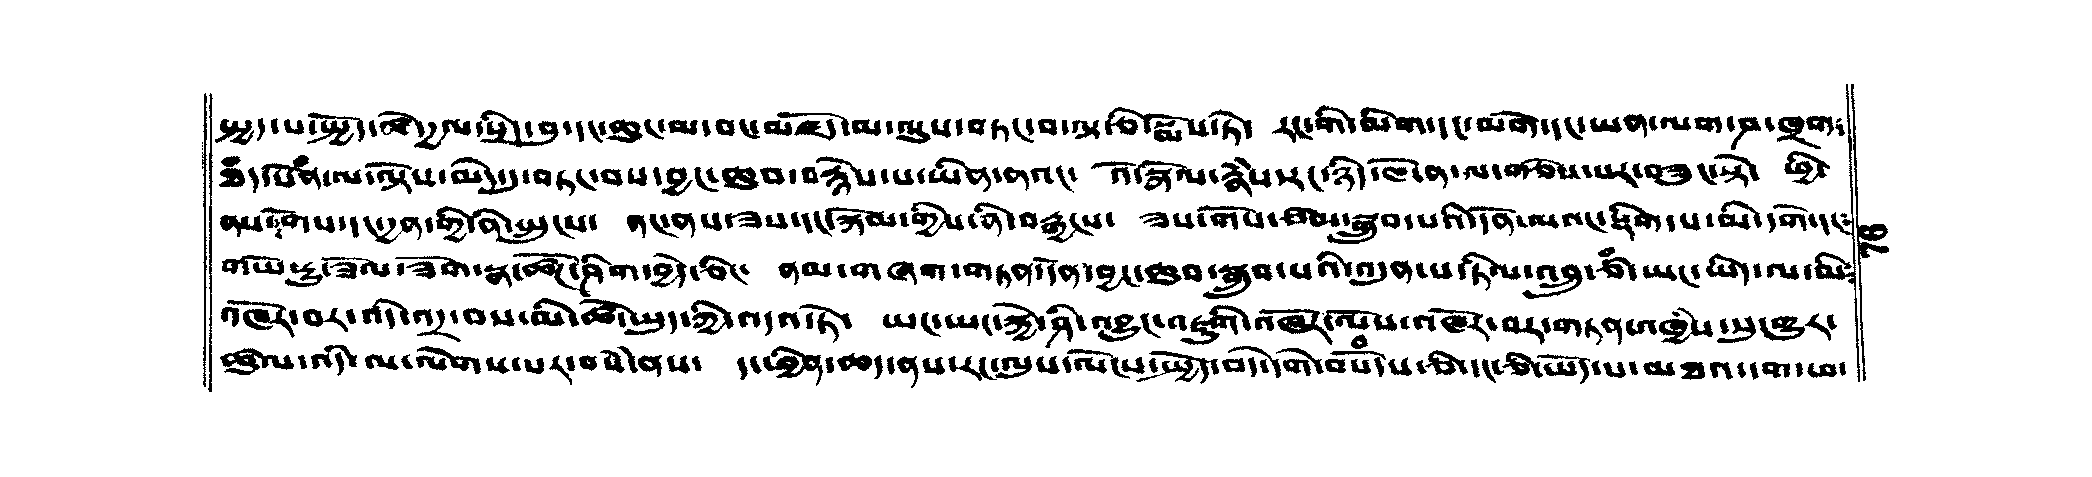སྤྱད་པ་སྤྱོད་ཚེ་རྒྱལ་སྲིད་བུ་དང་ཆུང་མ་བང་མཛོད་མ་ལུས་བཏང་བ་ལྟ་ཅི་སྨོས་ཏེ། རང་གི་མིག་དང་མགོ་དང་ཡན་ལག་ཤ་ཁྲག་
ཐམས་ཅད་སེམས་ཅན་ལ་ལྟོས་མེད་དུ་བཏང་བས་བྱང་ཆུབ་བརྙེས་པ་ཡིན་ནའང་། འོ་སྐོལ་རྣམས་རང་ཉིད་ཁོ་ན་ལ་གཅེས་པར་བཟུང་སྟེ། ཕྱི་
ནས་དགོས་དང་རྒྱན་གྱི་ནི་སྤུངས། ནང་ནས་ཟས་དང་སྐོམ་གྱིས་ནི་བརྒྱངས། ཟས་གོས་ཙམ་སྒྲུབ་པའི་དོན་མའང་སྡིག་པ་མི་དགེ་དང་
གཡོ་རྒྱུ་ཟོལ་ཟོག་སྣ་ཚོགས་ཤིག་བྱེད་ཅིང་། ནམ་གཞག་གཏན་དོན་བྱང་ཆུབ་སྒྲུབ་པའི་འདུན་པ་ཏིལ་འབྲུ་ཙམ་ཡང་ཡིད་ལ་མི་
འཁོར་བར་འདི་འདྲ་བས་མི་ཚེ་ཡུད་ཀྱི་འདའ་ཏེ། ཡང་ཡང་སྐྱེ་ཤིང་འབྱུང་འཇུག་གི་འཁོར་ལོས་འཁོར་བར་གཏན་འཁྱམས་སུ་གྱུར་
ཚུལ་འདི་ལ་ལེགས་པར་བསམ་ནས།ད་ཕྱིན་ཆད་ནས་རང་ལུས་ལོངས་སྤྱོད་བདེ་དགེ་བསོད་ནམས་པ་ཅི་དང་ཅི་ཡོད་པ་མཐའ་དག་ཕ་